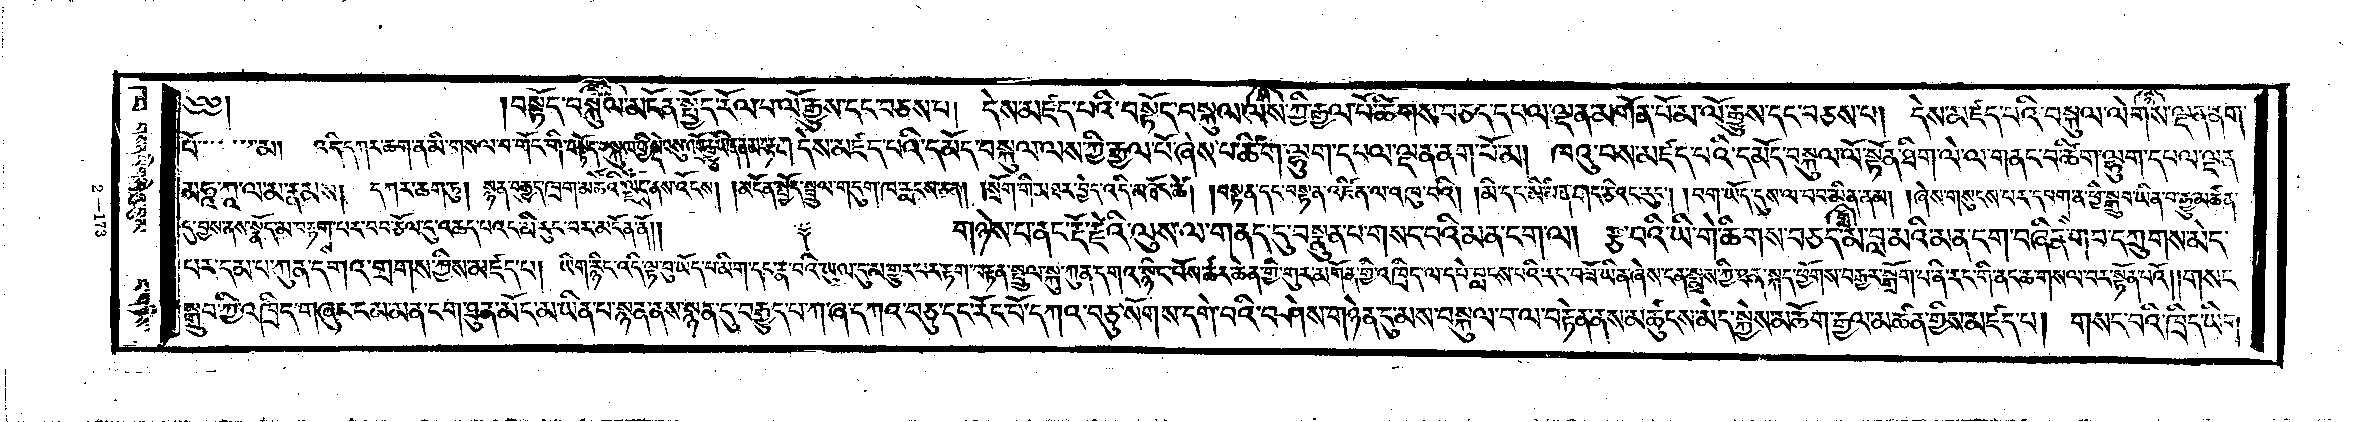༄༅། །བསྟོད་བསྐུལ་མངོན་སྤྱོད་རོལ་པ་ལོ་རྒྱུས་དང་བཅས་པ། དེས་མཛད་པའི་བསྟོད་བསྐུལ་ལས་ཀྱི་རྒྱལ་པོ་ཚིགས་བཅད་དཔལ་ལྡན་མགོན་པོ་མ་ལོ་རྒྱུས་དང་བཅས་པ། དེས་མཛད་པའི་བསྐུལ་ལེགས་ལྡན་ནག་
པོ་མ། འདི་དཀར་ཆག་ན་མི་གསལ་བ་གོང་གི་བསྟོད་བསྐུལ་གྱི་སྡེབས་སུ་འགྲོ་རྒྱུ་ཡིན་ནམ་རྟབ།  དེས་མཛད་པའི་དམོད་བསྐུལ་ལས་ཀྱི་རྒྱལ་པོ་ཞེས་པ་ཚིག་ལྷུག་དཔལ་ལྡན་ནག་པོ་མ། ཁའུ་པས་མཛད་པའི་དམོད་བསྐུལ་ལོ་སྟོན་ཐིག་ལེ་ལ་གནང་བ་ཚིག་ལྷུག་དཔལ་ལྡན་
མཧཱ་ཀཱ་ལ་མ་རྣམས། དཀར་ཆག་ཏུ། སྙན་བརྒྱུད་ཁྲག་མཚོའི་ལྗོངས་ནས་འོངས། །མངོན་སྤྱོད་སྤྲུལ་གདུག་ཁ་རླངས་ཅན། །སྲོག་གི་མཐར་བྱེད་འདི་མཐོང་ཚེ། །བསྟན་དང་བསྟན་འཛིན་ལ་འཁུ་བའི། །མི་དང་མི་མིན་གང་ཅིའང་རུང་། །བག་ཡོད་དུས་ལ་ཕབ་མིན་ནམ། །ཞེས་གསུངས་པར་དཔག་ན་ཕྱི་སྒྲུབ་ཡིན་པ་རྒྱུ་མཚན་
དུ་བྱས་ནས་སྣོད་མ་བརྟགས་པར་བབ་ཅོལ་དུ་ཆད་པའང་མི་རུང་བར་མངོན་ནོ།། ༈ གཉེས་པ་ནང་རྡོ་རྗེའི་ལུས་ལ་གནད་དུ་བསྣུན་པ་གསང་བའི་མན་ངག་ལ། རྩ་བའི་ཡི་གེ་ཆིགས་བཅད་མ་བླ་མའི་མན་ངག་བཞིན་གེབ་དཀྲུགས་མེད་
པར་དམ་པ་ཀུན་དགའ་གྲགས་ཀྱིས་མཛད་པ། ཡིག་རྙིང་འདི་ལྟ་བུ་ཡོད་པ་མིག་དང་རྣ་བའི་ཡུལ་དུ་མ་གྱུར་པར་རྟག་བརྟན་སྤྲུལ་སྐུ་ཀུན་དགའ་སྙིང་པོས་ཚར་ཆེན་གྱི་གུར་མགོན་གྱི་འཁྲིད་ལ་དཔེ་བླངས་པའི་རང་བཟོ་ཡིན་ཞེས་ངན་སྨྲས་ཀྱི་ཐན་སྐད་ཕྱོགས་བརྒྱར་སྒྲོག་པ་ནི་རང་གི་ནང་ཆ་གསལ་བར་སྟོན་པའོ།  །གསང་
སྒྲུབ་ཀྱི་འཁྲིད་གཞུང་ངམ་མན་ངག་ཐུན་མོང་མ་ཡིན་པ་སྙན་ནས་སྙན་དུ་བརྒྱུད་པ་ཀ་ཞ་དཀའ་བཅུ་དང་རོང་པོ་དཀའ་བཅུ་སོགས་དགེ་བའི་བཤེས་གཉེན་དུ་མས་བསྐུལ་བ་ལ་བརྟེན་ནས་མཚུངས་མེད་སྐྱེས་མཆོག་རྒྱལ་མཚན་གྱིས་མཛད་པ། གསང་བའི་ཁྲིད་ཡིག་